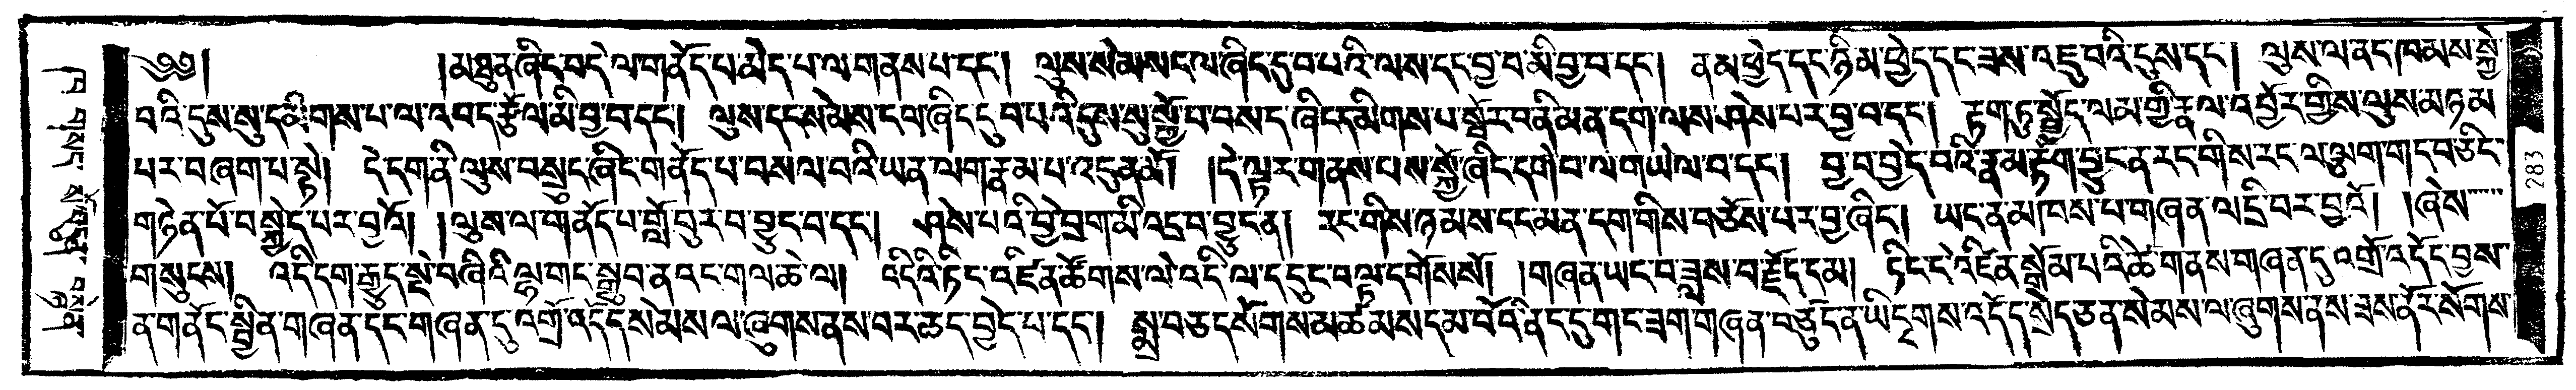༄༅། །མཐུན་ཞིང་བདེ་ལ་གནོད་པ་མེད་པ་ལ་གནས་པ་དང་། ལུས་སེམས་ངལ་ཞིང་དུ་བ་པའི་ལས་དང་བྱ་བ་མི་བྱ་བ་དང་། ནམ་ཕྱེད་དང་ཉི་མ་ཕྱེད་དང་ཟས་འཇུ་བའི་དུས་དང་། ལུས་ལ་ནང་ཁམས་སྐྱེ་
བའི་དུས་སུ་དམིགས་པ་ལ་འབད་རྩོལ་མི་བྱ་བ་དང་། ལུས་དང་སེམས་ངལ་ཞིང་དུ་བ་པའི་དུས་སུ་སྐྱོ་བ་བསད་ཞིང་དམིགས་པ་སྦོར་བ་ནི་མན་ངག་ལས་ཤེས་པར་བྱ་བ་དང་། རྟག་ཏུ་སྤྱོད་ལམ་གྱི་རྣལ་འབྱོར་གྱིས་ལུས་མཉམ་
པར་བཞག་པ་སྟེ། དེ་དག་ནི་ལུས་བསྲུང་ཞིང་གནོད་པ་བསལ་བའི་ཡན་ལག་རྣམ་པ་འདུན་མོ། །དེ་ལྟར་གནས་པས་སྐྱོ་ཞིང་དགེ་བ་ལ་གཡེལ་བ་དང་། བྱ་བ་བྱེད་པའི་རྣམ་རྟག་བྱུང་ན་རང་གིས་རང་ལ་ལྕག་གང་བ་ཅིང་
གཉེན་པོ་བསྐྱེད་པར་བྱའོ། །ལུས་ལ་གནོད་པ་གློ་བུར་བ་བྱུང་བ་དང་། ཤེས་པའི་བྱེ་བྲག་མི་འདྲ་བ་བྱུང་ན། རང་གིས་ཉམས་དང་མན་ངག་གིས་བཅོས་པར་བྱ་ཞིང་། ཡང་ན་མཁས་པ་གཞན་ལ་དྲི་བར་བྱའོ། །ཞེས་
གསུངས། འདི་དག་རྒྱུད་སྡེ་བཞིའི་ལྷ་གང་སྒྲུབ་ནའང་གལ་ཆེ་ལ། འདིའི་ཏིང་འཛིན་ཚོགས་ལེ་འདི་ལ་ད་དུང་བལྟ་དགོས་སོ། །གཞན་ཡང་བཟླས་བརྗོད་དམ། ཏིང་ངེ་འཛིན་སྒོམ་པའི་ཚེ་གནས་གཞན་དུ་འགྲོ་འདོད་བྱས་
ན་གནོད་སྦྱིན་གཞན་དང་གཞན་དུ་འགྲོ་འདོད་སེམས་ལ་ཞུགས་ནས་བར་ཆད་བྱེད་པ་དང་། སྨྲ་བཅད་སོགས་མཚམས་དམ་པོའི་ནང་དུ་གང་ཟག་གཞན་བཙུད་ན་ཡི་དྭགས་འདོད་སྲེད་ཅན་སེམས་ལ་ཞུགས་ནས་ཟས་ནོར་སོགས་